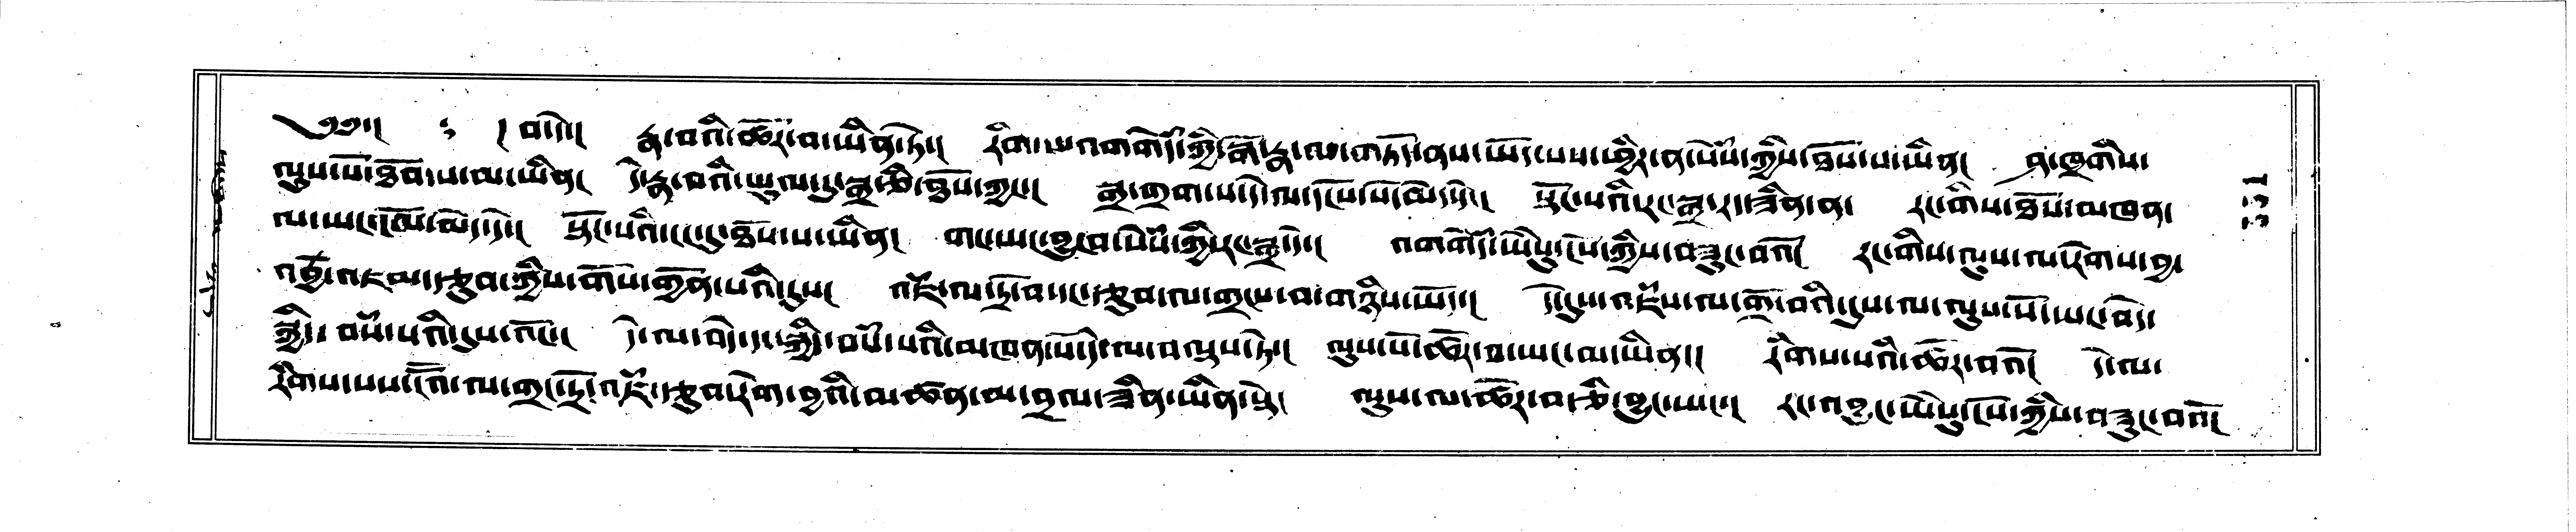རྣ་བས་ཚོར་བ་ཡིན་ཏེ། རིག་པ་འགག་མེད་ཀྱིས་སྒོ་རྣ་བ་ལ་དོད་ནས་ཡོད་པའི་ཕྱིར་ན་སེམས་ཀྱིས་ཐོས་པ་ཡིན། ཤ་ཁྲག་གིས་
ལུས་པོའི་ཐོས་པ་མ་ཡིན། དེ་ནས་རྣ་བའི་ཡུལ་དུ་སྒྲ་ཅི་ཐོས་སྒྲ་གྲགས་པ་དེ་ལ་དངོས་པོ་མེད་དེ། སྟོང་པའི་རང་སྒྲ་རེ་ཟིན་ན། རང་གིས་ཐོས་མཁན་
ལ་ཡང་རང་བཞིན་མེད་དེ་སྟོང་པའི་ངང་དུ་ཐོས་པ་ཡིན། གང་ཡང་བྱང་ཆུབ་སེམས་ཀྱིས་རང་སྒྲ་སྟེ། འགག་མེད་ཡེ་ཤེས་སུ་ངོས་ཀྱིས་བཟུང་པའོ། རང་གིས་ལུས་ལ་ཡང་རེག་བྱ་
འཇམ་རྩུབ་ཀྱིས་གོས་གྱོན་པའི་དུས། འཇམ་ལ་དྲོ་བ་དང་། རྩུབ་ལ་གྲང་བ་དང་གཉིས་སུ་ཡོད་དོ། དེའི་དུས་ཀྱང་། འཇམ་ལ་གྲོ་༼དྲོ༽བའི་དུས་ཀྱང་། ལུས་པོ་ཡང་ལ་བདེ་
སྐྱིད་བསམ་པའི་དུས་འོང་། དེ་ལ་བདེ་བ་དང་སྐྱིད་བསམ་པའི་མཁན་པོ་དེ་ལ་བལྟ་སྟེ། ལུས་པོ་༼པོས༽ཚོར་བ་ཡང་མ་ཡིན་ཏེ་རིག་པ་༼པས༽ཚོར་བའོ། དེ་ན་
རིག་པའི་ངོའོ་ལ་གྲང་དྲོ་འཇམ་རྩུབ་རེག་བྱའི་མཚན་མ་ཅི་ཡང་བྲལ་ཟིན་ཡིན་ཏེ། ལུས་ལ་རེག་བྱ་འཇམ་རྩུབ་ཚོར་བ་ཅི་བྱུང་ཡང་། རང་འབྱུང་ཡེ་ཤེས་སུ་ངོས་ཀྱིས་བཟུང་པའོ།